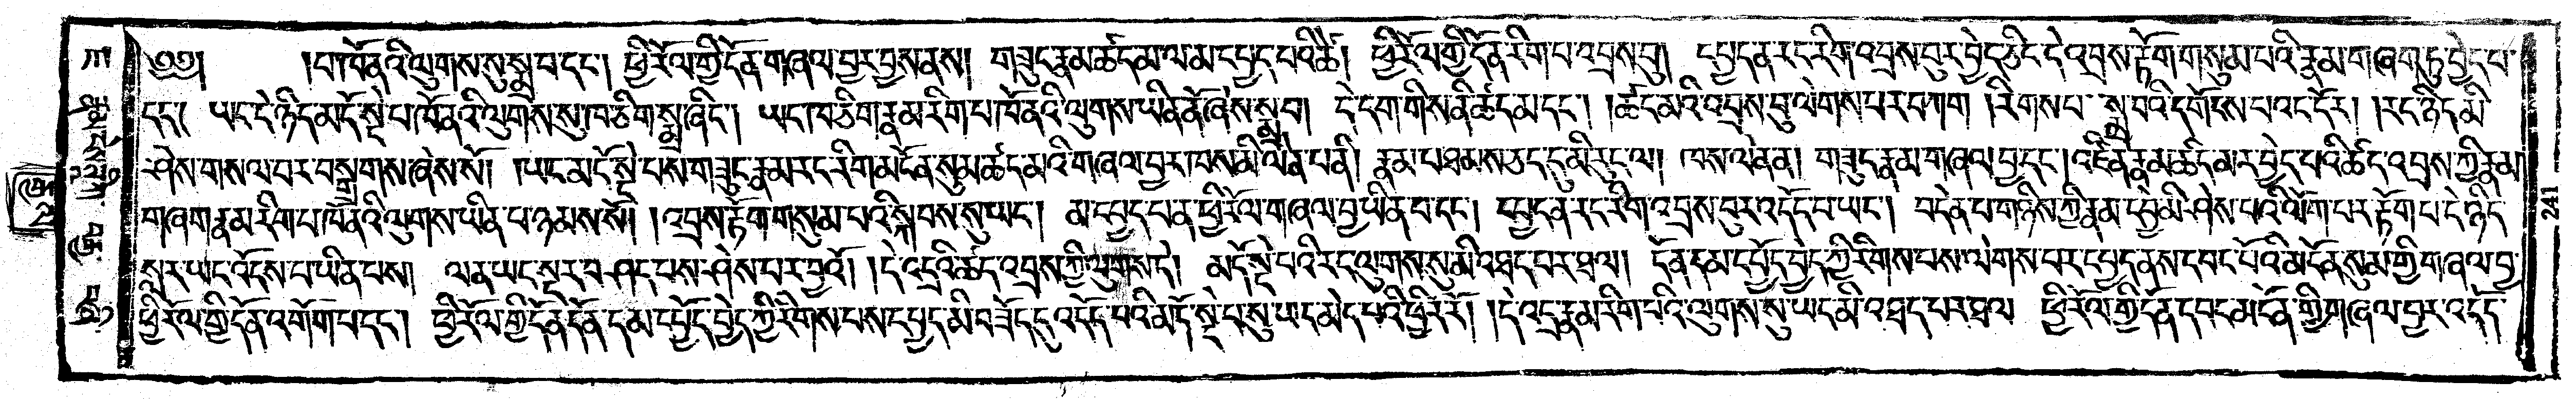༄༅། །པ་ཁོ་ནའི་ལུགས་སུ་སྨྲ་བ་དང་། ཕྱི་རོལ་གྱི་དོན་གཞལ་བྱར་བྱས་ནས། གཟུང་རྣམ་ཚད་མ་ལ་མ་དཔྱད་པའི་ཚེ། ཕྱི་རོལ་གྱི་དོན་རིག་པ་འབྲས་བུ། དཔྱད་ན་རང་རིག་འབྲས་བུར་བྱེད་ཅིང་དེ་འབྲས་རྟོག་གསུམ་པའི་རྣམ་གཞག་ཏུ་བྱེད་པ་
དང་། ཡང་དེ་ཉིད་མདོ་སྡེ་པ་ཁོ་ནའི་ལུགས་སུ་ཁ་ཅིག་སྨྲ་ཞིང་། ཡང་ཁ་ཅིག་རྣམ་རིག་པ་ཁོ་ནའི་ལུགས་ཡིན་ནོ་ཞེས་སྨྲ་བ། དེ་དག་གིས་ནི་ཚད་མ་དང་། །ཚད་མའི་འབྲས་བུ་ལེགས་པར་བཀག །རིགས་པ་སྨྲ་བའི་དགོངས་པའང་དོར། །རང་ཉིད་མི་
ཤེས་གསལ་བར་བསྒྲགས་ཞེས་སོ། །ཡང་མདོ་སྡེ་པས་གཟུང་རྣམ་རང་རིག་མངོན་སུམ་ཚད་མའི་གཞལ་བྱར་ཁས་མི་ལེན་པ་ནི། རྣམ་པ་ཐམས་ཅད་དུ་མི་རུང་ལ། ཁས་ལེན་ན། གཟུང་རྣམ་གཞལ་བྱ་དང་། འཛིན་རྣམ་ཚད་མར་བྱེད་པའི་ཚད་འབྲས་ཀྱི་རྣམ་
གཞག་རྣམ་རིག་པ་ཁོ་ནའི་ལུགས་ཡིན་པ་ཉམས་སོ། །འབྲས་རྟོག་གསུམ་པའི་སྐབས་སུ་ཡང་། མ་དཔྱད་པ་ན་ཕྱི་རོལ་གཞལ་བྱ་ཡིན་པ་དང་། དཔྱད་ན་རང་རིག་འབྲས་བུར་འདོད་པ་ཡང་། བདེན་པ་གཉིས་ཀྱི་རྣམ་དབྱེ་མི་ཤེས་པའི་ལོག་པར་རྟོག་པ་དེ་ཉིད་
སླར་ཡང་འོངས་པ་ཡིན་པས། ལན་ཡང་སྔར་བཤད་པས་ཤེས་པར་བྱའོ། །དེ་འདྲའི་ཚད་འབྲས་ཀྱི་ལུགས་དེ། མདོ་སྡེ་པའི་རང་ལུགས་སུ་མི་འཐད་པར་ཐལ། དོན་དམ་དཔྱོད་བྱེད་ཀྱི་རིགས་པས་ལེག་སྤར་དཔྱད་ནས་དབང་པོའི་མངོན་སུམ་གྱི་གཞལ་བྱ་
ཕྱི་རོལ་གྱི་དོན་འགོག་པ་དང་། ཕྱི་རོལ་གྱི་དོན་དོན་དམ་དཔྱོད་བྱེད་ཀྱི་རིགས་པས་དཔྱད་མི་བཟོད་དུ་འདོད་པའི་མདོ་སྡེ་པ་སུ་ཡང་མེད་པའི་ཕྱིར་རོ། །དེ་འདྲ་རྣམ་རིག་པའི་ལུགས་སུ་ཡང་མི་འཐད་པར་ཐལ། ཕྱི་རོལ་གྱི་དོན་དབང་མངོན་གྱི་གཞལ་བྱར་འདོད་